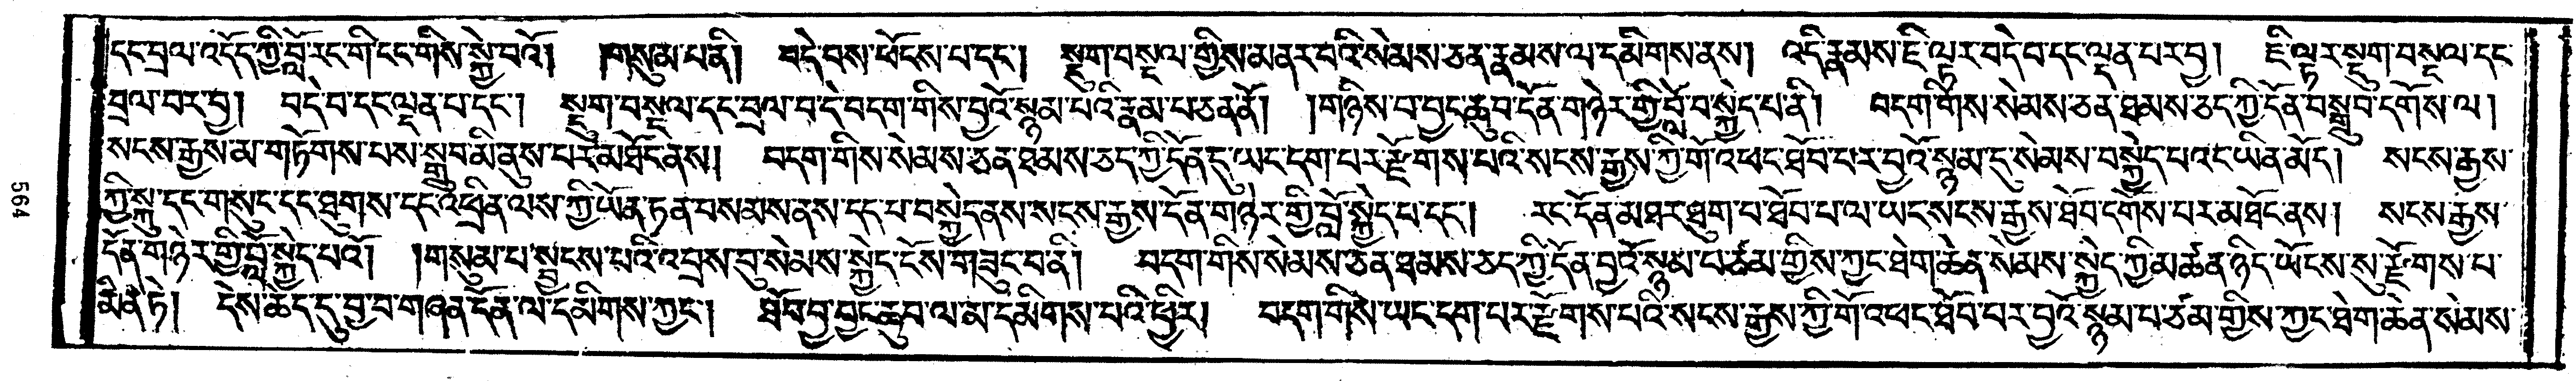དང་བྲལ་འདོད་ཀྱི་བློ་རང་གི་ངང་གིས་སྐྱེ་བའོ། །གསུམ་པ་ནི། བདེ་བས་ཕོངས་པ་དང་། སྡུག་བསྔལ་གྱིས་མནར་བའི་སེམས་ཅན་རྣམས་ལ་དམིགས་ནས། འདི་རྣམས་ཇི་ལྟར་བདེ་བ་དང་ལྡན་པར་བྱ། ཇི་ལྟར་སྡུག་བསྔལ་དང་
བྲལ་བར་བྱ། བདེ་བ་དང་ལྡན་པ་དང་། སྡུག་བསྔལ་དང་བྲལ་བ་དེ་བདག་གིས་བྱའོ་སྙམ་པའི་རྣམ་པ་ཅན་ནོ། །གཉིས་བ་བྱང་ཆུབ་དོན་གཉེར་གྱི་བློ་བ་སྐྱེད་པ་ནི། བདག་གིས་སེམས་ཅན་ཐམས་ཅད་ཀྱི་དོན་བསྒྲུབ་དགོས་ལ།
སངས་རྒྱས་མ་གཏོགས་པས་སྒྲུབ་མི་ནུས་པར་མཐོང་ནས། བདག་གིས་སེམས་ཅན་ཐམས་ཅད་ཀྱི་དོན་དུ་ཡང་དག་པར་རྫོགས་པའི་སངས་རྒྱས་ཀྱི་གོ་འཕང་ཐོབ་པར་བྱའོ་སྙམ་དུ་སེམས་བསྐྱེད་པའང་ཡིན་མོད། སངས་རྒྱས་
ཀྱི་སྐུ་དང་གསུང་དང་ཐུགས་དང་འཕྲིན་ལས་ཀྱི་ཡོན་ཏན་བསམས་ནས་དད་པ་བསྐྱེད་ནས་སངས་རྒྱས་དོན་གཉེར་གྱི་བློ་སྐྱེད་པ་དང་། རང་དོན་མཐར་ཐུག་པ་ཐོབ་པ་ལ་ཡང་སངས་རྒྱས་ཐོབ་དགོས་པར་མཐོང་ནས། སངས་རྒྱས་
དོན་གཉེར་གྱི་བློ་སྐྱེད་པའོ། །གསུམ་པ་སྦྱངས་པའི་འབྲས་བུ་སེམས་སྐྱེད་ངོས་གཟུང་བ་ནི། བདག་གིས་སེམས་ཅན་ཐམས་ཅད་ཀྱི་དོན་བྱའོ་སྙམ་པ་ཙམ་གྱིས་ཀྱང་ཐེག་ཆེན་སེམས་སྐྱིད་ཀྱི་མཚན་ཉིད་ཡོངས་སུ་རྫོགས་པ་
མིན་ཏེ། དེས་ཆེད་དུ་བྱ་བ་གཞན་དོན་ལ་དམིགས་ཀྱང་། ཐོབ་བྱ་བྱང་ཆུབ་ལ་མ་དམིགས་པའི་ཕྱིར། བདག་གིས་ཡང་དག་པར་རྫོགས་པའི་སངས་རྒྱས་ཀྱི་གོ་འཕང་ཐོབ་པར་ཡའོ་སྙམ་པ་ཙམ་གྱིས་ཀྱང་ཐེག་ཆེན་སེམས་